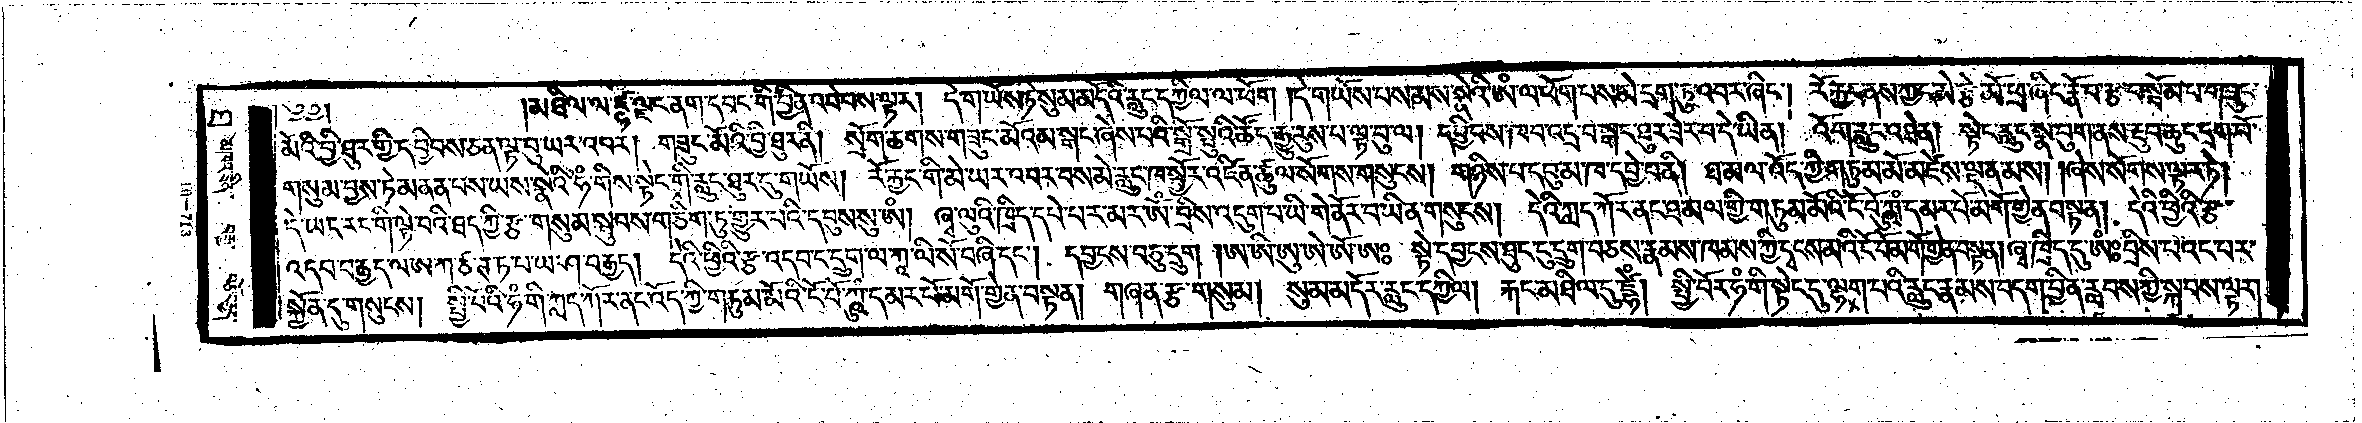༄༅། །མཐིལ་ལ་ཛྷེཾ་ལྗང་ནག་དབང་གི་བྱིན་འབེབས་ལྟར། དེ་གཡོས་ཏེ་སུམ་མདོའི་རླུང་དཀྱིལ་ལ་ཕོག །དེ་གཡོས་པས་མས་སྣེའི་ཨཾ་ལ་ཕོག་པས་མེ་དྲག་ཏུ་འབར་ཞིང་། རོ་རྐྱང་ནས་ཀྱང་མེ་རྩེ་མོ་ཕྲ་ཞིང་རྣོ་བ་རྩ་བ་སྦོམ་པ་གཟུང་
མོའི་བྱི་ཐུར་གྱི་དབྱིབས་ཅན་ལྟ་བུ་ཡར་འབར། གཟུང་མོའི་བྱི་ཐུར་ནི། སྲོག་ཆགས་གཟུང་མོའམ་སྒང་ཞེས་པའི་སྒྲོ་སྤུའི་ཚོང་རྒྱུ་རུས་པ་ལྟ་བུ་ལ། དབྱིབས་ཁབ་འདྲ་བསྒང་ཐུར་ཟེར་བ་དེ་ཡིན། འོག་རླུང་འཐེན། སྟེང་རླུང་སྣ་བུག་ནས་རྔུབ་ཆུང་དྲག་པོ་
གསུམ་བྱས་ཏེ་མནན་པས་ཡས་སྣེའི་ཧཾ་གིས་སྟེང྾་གི་རླུང་ཐུར་དུ་གཡོས། རོ་རྐྱང་གི་མེ་ཡར་འབར་བས་མེ་རླུང་ཁ་སྦྱོར་འཛིན་ཚུལ་སོགས་གསུངས། གཉིས་པ་དབུ་མ་ཁ་དབྱེ་བ་ནི། ཐ་མལ་འོད་ཀྱི་གཏུམ་མོ་མཛེས་ལྡན་མས། །ཞེས་སོགས་ལྟར་ཏེ།
དེ་ཡང་རང་གི་ལྟེ་བའི་ཐད་ཀྱི་རྩ་གསུམ་སྦུབས་གཅིག་ཏུ་གྱུར་པའི་དབུས་སུ་ཨཾ། ཞྭ་ལུའི་ཁྲིད་དཔེ་པར་མར་ཨོཾ་བྲིས་འདུག་པ་ཡི་གེ་ནོར་པ་ཡིན་གསུངས། དེའི་ཀླད་ཀོར་ནང་ཐ་མལ་གྱི་གཏུམ་མོའི་ངོ་བོ་ཀྵུཾ་དམར་པོ་མགོ་གྱེན་བསྟན། དེའི་ཕྱིའི་རྩ་
འདབ་བརྒྱད་ལ་ཨ་ཀ་ཙ་ཊ་ཏ་པ་ཡ་ཤ་བརྒྱད། དེའི་ཕྱིའི་རྩ་འདབ་ང་དྲུག་ལ་ཀཱ་ལི་སོ་བཞི་དང་། དབྱངས་བཅུ་དྲུག །ཨ་ཨི་ཨུ་ཨེ་ཨོ་ཨཿ སྟེ་དབྱངས་ཐུད་ངུ་དྲུག་བཅས་རྣམས་ཁམས་ཀྱི་དྭངས་མའི་ངོ་བོ་མགོ་གྱེན་བསྟན། ཞྭ་ཁྲིད་དུ་ཨཾཿ བྲིས་པའང་བར་
སྐྱོན་དུ་གསུངས། སྤྱི་པོའི་ཧཾ་གི་ཀླད་ཀོར་ནང་འོད་ཀྱི་གཏུམ་མོའི་ངོ་བོ་ཀྵུཾ་དམར་པོ་མགོ་གྱེན་བསྟན། གཞན་རྩ་གསུམ། སུམ་མདོར་རླུང་དཀྱིལ། རྐང་མཐིལ་དུ་ཛྷེཾ། སྤྱི་བོར་ཧཾ་གི་སྟེང་དུ་ལྷག྾་པའི་རླུང་རྣམས་བདག་བྱིན་རླབས་ཀྱི་སྐབས་ལྟར།